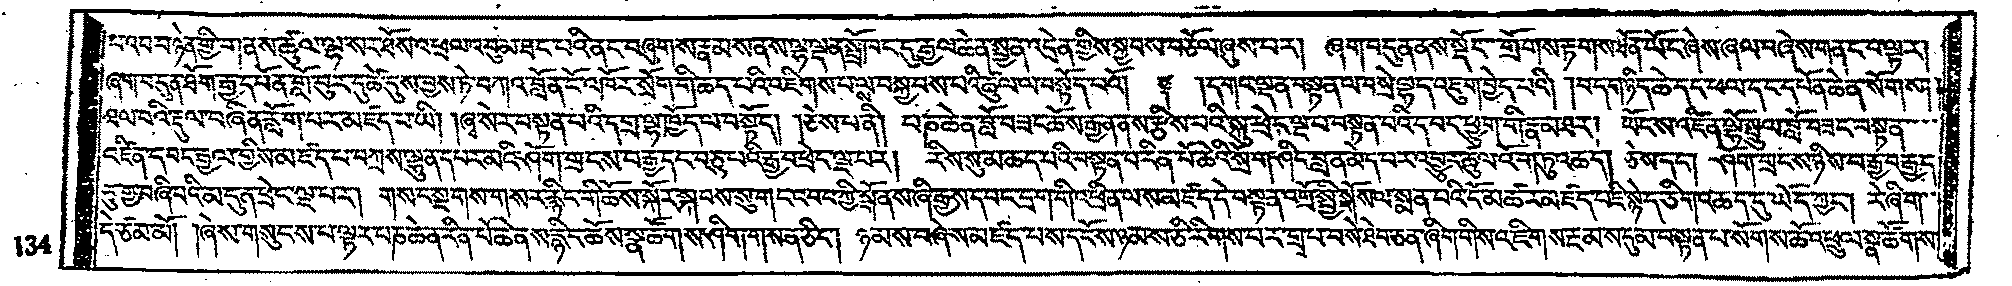པ་འབབ་ཉེན་གྱི་གནས་ཚུལ་ལྷ་སར་ཐོས་འཕྲལ་འབུམ་ཐང་པའི་ནང་བཞུགས་རྣམས་ནས་ལྷ་ལྡན་སྤྲོ་ཁང་དུ་རྒྱལ་ཆེན་སྤྱན་འདྲེན་གྱིས་སྐྱབས་བཅོལ་ཞུས་པར། ཞག་བདུན་ནས་སྡོང་གྲོགས་རྟགས་ཐོན་ཡོང་ཞེས་ཞལ་བཞེས་གནང་བ་ལྟར།
ཞག་བདུན་ཐོག་རྒྱ་དཔོན་གློ་བུར་དུ་ཚེ་དུས་བྱས་ཏེ་བཀའ་བློན་ངོ་འཁོར་སྲོག་གི་ཆད་པའི་འཇིགས་པ་ལས་བསྐྱབས་པའི་ཚུལ་ལ་བསྟོད་པའོ། ༈ །དགའ་ལྡན་བསྟན་ལ་བསྲེ་ལྷད་འཇུག་བྱེད་པའི། །བདག་ཉིད་ཆེ་དང་ཕལ་དང་དཔོན་ཆེན་སོགས། །
ཐལ་བའི་རྡུལ་བཞིན་རློག་པར་མཛད་པ་ཡི། །ཞྭ་སེར་བསྟན་པའི་དགྲ་ལྷ་ཁྱོད་ལ་བསྟོད། །ཅེས་པ་ནི། པཎ་ཆེན་བློ་བཟང་ཆོས་རྒྱན་ནས་རྩིས་པའི་སྐུ་ཕྲེང་ལྔ་པ་བསྟན་པའི་དབང་ཕྱུག་གི་རྣམ་ཐར། ཡོངས་འཛིན་ལྷོ་སྤྲུལ་བློ་བཟང་བསྟན་
འཛིན་དབང་རྒྱལ་གྱིས་མཛད་པ་བཀྲས་ལྷུན་དཔར་མའི་ཤོག་གྲངས་བརྒྱ་དང་བཅུ་པའི་རྒྱབ་ཕྲེང་ལྔ་པར། རིས་སུ་མ་ཆད་པའི་བསྟན་པ་རིན་པོ་ཆེའི་སྲོག་ཤིང་བླ་ན་མེད་པར་འགྱུར་ཚུལ་འོག་ཏུ་འཆད། ཅེས་དང་། ཤོག་གྲངས་ཉིས་བརྒྱ་བརྒྱད་
ཅུ་གྱ་བཞི་པའི་མདུན་ཕྲེང་ལྔ་པར། གསང་སྔགས་གསར་རྙིང་གི་ཆོས་སྐོར་སྐབས་སུ་གང་འབབ་ཀྱི་སྒོ་ནས་ཞི་རྒྱས་དབང་དྲག་གི་འཕྲིན་ལས་མཛད་དེ་བསྟན་འགྲོ་སྤྱི་སྒོས་ལ་སྨན་པའི་ངོ་མཚར་མཛད་པ་ཇི་སྙེད་ཅིག་འཆད་དུ་ཡོད་ཀྱང་། རེ་ཞིག་
དེ་ཙམ་མོ། །ཞེས་གསུངས་པ་ལྟར་པཎ་ཆེན་རིན་པོ་ཆེ་ནས་རྙིང་ཆོས་སྣ་ཚོགས་ཤིག་གསན་ཅིང་། ཉམས་བཞེས་མཛད་པས་དངོས་ཉམས་ཅི་རིགས་པར་གྲྭ་པ་བསེ་ཐེབ་ཅན་ཞིག་གིས་འཇིགས་རྔམས་དུ་མ་བསྟན་པ་སོགས་ཆོ་འཕྲུལ་སྣ་ཚོགས་